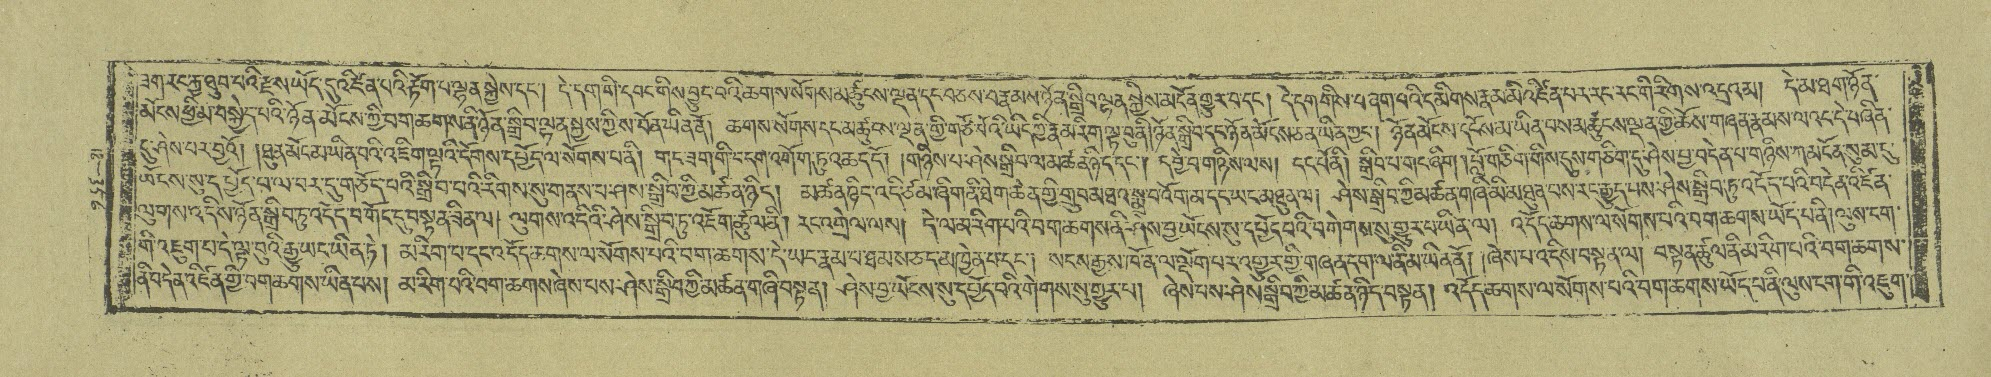ཟག་རང་རྐྱ་ཐུབ་པའི་རྫས་ཡོད་དུ་འཛིན་པའི་རྟོག་པ་ལྷན་སྐྱེས་དང་། དེ་དག་གི་དབང་གིས་བྱུང་བའི་ཆགས་སོགས་མཚུངས་ལྡན་དང་བཅས་པ་རྣམས་ཉོན་སྒྲིབ་ལྷན་སྐྱེས་མངོན་གྱུར་བ་དང་། དེ་དག་གིས་བཞག་བའི་དམིགས་རྣམ་མི་འཛིན་པར་རང་རང་གི་རིགས་འདྲའམ། དེ་མ་ཐག་ཉོན་
མོངས་ཕྱི་མ་བསྐྱེད་པའི་ཉོན་མོངས་ཀྱི་བག་ཆགས་ནི་ཉོན་སྒྲིབ་ལྷན་སྐྱེས་ཀྱི་ས་བོན་ཡིན་ནོ། །ཆགས་སོགས་དང་མཚུངས་ལྡན་གྱི་གཙོ་བོའི་ཡིད་ཀྱི་རྣམ་རིག་ལྟ་བུ་ནི། ཉོན་སྒྲིབ་དང་ཉོན་མོངས་ཅན་ཡིན་ཀྱང་། ཉོན་མོངས་དངོས་མ་ཡིན་པས་མཚུངས་ལྡན་གྱི་ཆོས་གཞན་རྣམས་ལའང་དེ་བཞིན་
དུ་ཤེས་པར་བྱའོ། །ཐུན་མོང་མ་ཡིན་པའི་འཇིག་ལྟའི་དོགས་དཔྱོད་ལ་སོགས་པ་ནི། གང་ཟག་གི་བདག་འགོག་ཏུ་འཆད་དོ། །གཉིས་པ་ཤེས་སྒྲིབ་ལ་མཚན་ཉིད་དང་། དབྱེ་བ་གཉིས་ལས། དང་པོ་ནི། སྒྲིབ་པ་གང་ཞིག །བློ་གཅིག་གིས་དུས་གཅིག་དུ་ཤེས་བྱ་བདེན་པ་གཉིས་ཀ་མངོན་སུམ་དུ་
ཡོངས་སུ་དཔྱོད་པ་ལ་བར་དུ་གཅོད་པའི་སྒྲིབ་པའི་རིགས་སུ་གནས་པ་ཤེས་སྒྲིབ་ཀྱི་མཚན་ཉིད། མཚན་ཉིད་འདི་ཙམ་ཞིག་ནི་ཐེག་ཆེན་གྱི་གྲུབ་མཐའ་སྨྲ་བ་འོག་མ་དང་ཡང་མཐུན་ལ། ཤེས་སྒྲིབ་ཀྱི་མཚན་གཞི་མི་མཐུན་པས་རང་རྒྱུད་པས་ཤེས་སྒྲིབ་ཏུ་འདོད་པའི་བདེན་འཛིན་
ལུགས་འདིས་ཉོན་སྒྲིབ་ཏུ་འདོད་པ་གོང་དུ་བསྟན་ཟིན་ལ། ལུགས་འདིའི་ཤེས་སྒྲིབ་ཏུ་འཇོག་ཚུལ་ནི། རབ་འགྲེལ་ལས། དེ་ལ་མ་རིག་པའི་བག་ཆགས་ནི་ཤེས་བྱ་ཡོངས་སུ་དཔྱོད་པའི་བགེགས་སུ་གྱུར་པ་ཡིན་ལ། འདོད་ཆགས་ལ་སོགས་པའི་བག་ཆགས་ཡོད་པ་ནི། ལུས་ངག་
གི་འཇུག་པ་དེ་ལྟ་བུའི་རྒྱུ་ཡང་ཡིན་ཏེ། མ་རིག་པ་དང་འདོད་ཆགས་ལ་སོགས་པའི་བག་ཆགས་དེ་ཡང་རྣམ་པ་ཐམས་ཅད་མཁྱེན་པ་དང་། སངས་རྒྱས་ཁོ་ན་ལ་ལྡོག་པར་འགྱུར་གྱི་གཞན་དག་ལ་ནི་མ་ཡིན་ནོ། །ཞེས་པ་འདིས་བསྟན་ལ། བསྟན་ཚུལ་ནི་མ་རིག་པའི་བག་ཆགས་
ནི་བདེན་འཛིན་གྱི་བག་ཆགས་ཡིན་པས། མ་རིག་པའི་བག་ཆགས་ཞེས་པས་ཤེས་སྒྲིབ་ཀྱི་མཚན་གཞི་བསྟན། ཤེས་བྱ་ཡོངས་སུ་དཔྱོད་པའི་གེགས་སུ་གྱུར་པ། ཞེས་པས་ཤེས་སྒྲིབ་ཀྱི་མཚན་ཉིད་བསྟན། འདོད་ཆགས་ལ་སོགས་པའི་བག་ཆགས་ཡོད་པ་ནི་ལུས་ངག་གི་འཇུག་